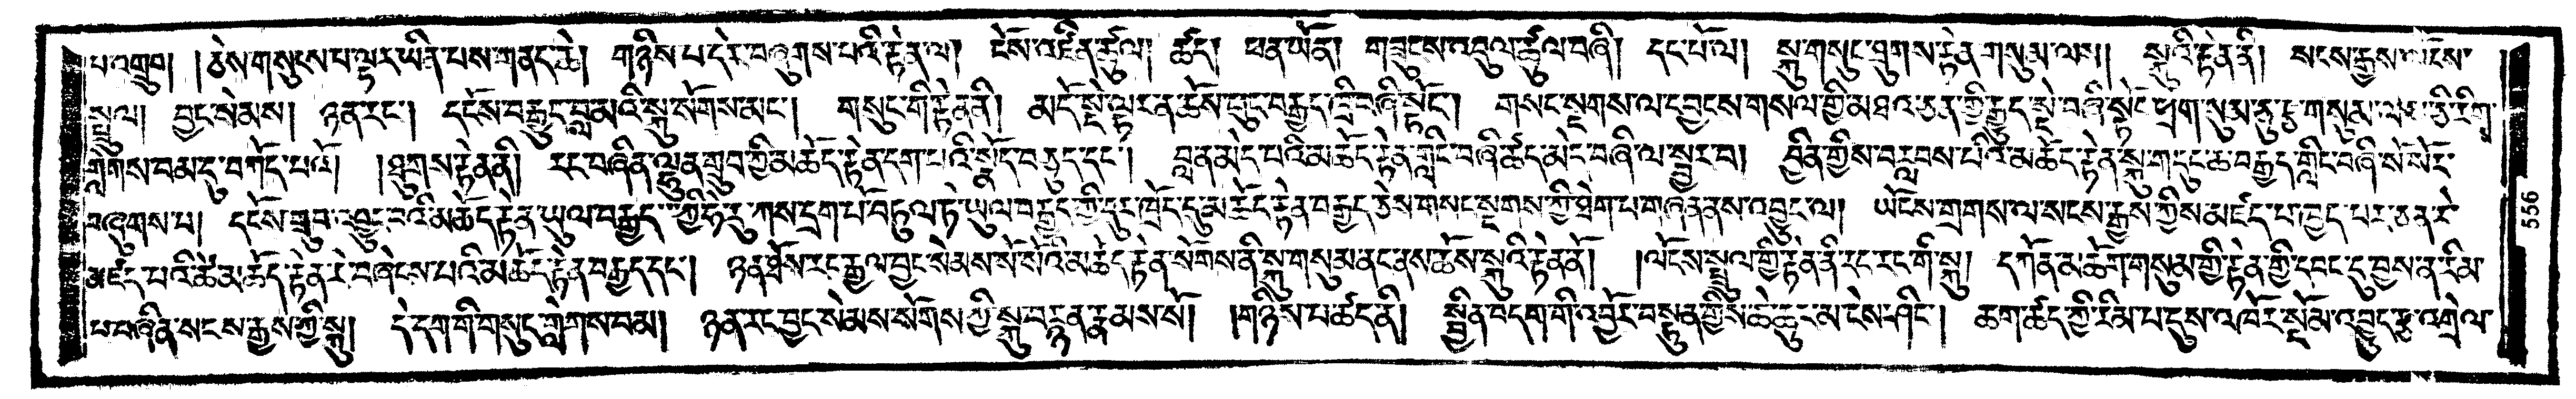པ་འགྲུབ། །ཅེས་གསུངས་པ་ལྟར་ཡིན་པས་གནད་ཆེ། གཉིས་པ་དེར་བཞུགས་པའི་རྟེན་ལ། ངོས་འཛིན་ཚུལ། ཚད། ཕན་ཡོན། གཟུངས་འབུལ་ཚུལ་བཞི། དང་པོ་ལ། སྐུ་གསུང་ཐུགས་རྟེན་གསུམ་ལས། སྐུའི་རྟེན་ནི། སངས་རྒྱས་ལངས་
སྤྲུལ། བྱང་སེམས། ཉན་རང་། དངོས་བརྒྱུད་བླ་མའི་སྐུ་སོགས་མང་། གསུང་གི་རྟེན་ནི། མདོ་སྡེ་ལྟར་ན་ཆོས་པུང་བརྒྱད་ཁྲི་བཞི་སྟོང་། གསང་སྔགས་ལ་དབྱངས་གསལ་གྱི་མཐའ་ཅན་གྱི་རྒྱུད་སྡེ་བཞི་སྟོང་ཕྲག་སུམ་ཅུ་རྩ་གསུམ་ལར་ཅི་རིགས་
གླེགས་བམ་དུ་བཀོད་པའོ། །ཐུགས་རྟེན་ནི། རང་བཞིན་ལྷུན་གྲུབ་ཀྱི་མཆོད་རྟེན་དག་པའི་སྣོད་བཅུ་དང་། བླ་ན་མེད་པའི་མཆོད་རྟེན་གླིང་བཞི་ཚད་མེད་བཞི་ལ་སྦྱར་བ། བྱིན་གྱིས་བརླབས་པའི་མཆོད་རྟེན་སྐུ་གདུང་ཆ་བརྒྱད་གླིང་བཞི་སོ་སོར་
བཞུགས་པ། དངོས་གྲུབ་འབྱུང་བའི་མཆོད་རྟེན་ཡུལ་བརྒྱད་ཀྱི་ཧེ་རུ་ཀས་དྲག་པོ་བཏུལ་ཏེ་ཡུལ་བརྒྱད་ཀྱི་དུར་ཁྲོད་དུ་མཆོད་རྟེན་བརྒྱད་ཅེས་གསང་སྔགས་ཀྱི་ཐེག་པ་གཞན་ནས་འབྱུང་ལ། ཡོངས་གྲགས་ལ་སངས་རྒྱས་ཀྱིས་མཛད་པ་ཁྱད་པར་ཅན་རེ་
མཛད་པའི་ཚེ་མཆོད་རྟེན་རེ་བཞེངས་པའི་མཆོད་རྟེན་བརྒྱད་དང་། ཉན་ཐོས་རང་རྒྱལ་བྱང་སེམས་སོ་སོའི་མཆོད་རྟེན་སོགས་ནི་སྐུ་གསུམ་ནང་ནས་ཆོས་སྐུའི་རྟེན་ནོ། །ལོངས་སྤྲུལ་གྱི་རྟེན་ནི་རང་རང་གི་སྐུ། དཀོན་མཆོག་གསུམ་གྱི་རྟེན་གྱི་དབང་དུ་བྱས་ན་རིམ་
པ་བཞིན་སངས་རྒྱས་ཀྱི་སྐུ། དེ་དག་གི་གསུང་གླེགས་བམ། ཉན་རང་བྱང་སེམས་སོགས་ཀྱི་སྐུ་བརྙན་རྣམས་སོ། །གཉིས་པ་ཚད་ནི། སྦྱིན་བདག་གི་འབྱོར་བསྟུན་གྱིས་ཆེ་ཆུང་མ་ངེས་ཤིང་། ཆག་ཚད་ཀྱི་རིམ་པ་དུས་འཁོར་སྡོམ་འབྱུང་རྩ་འགྲེལ་